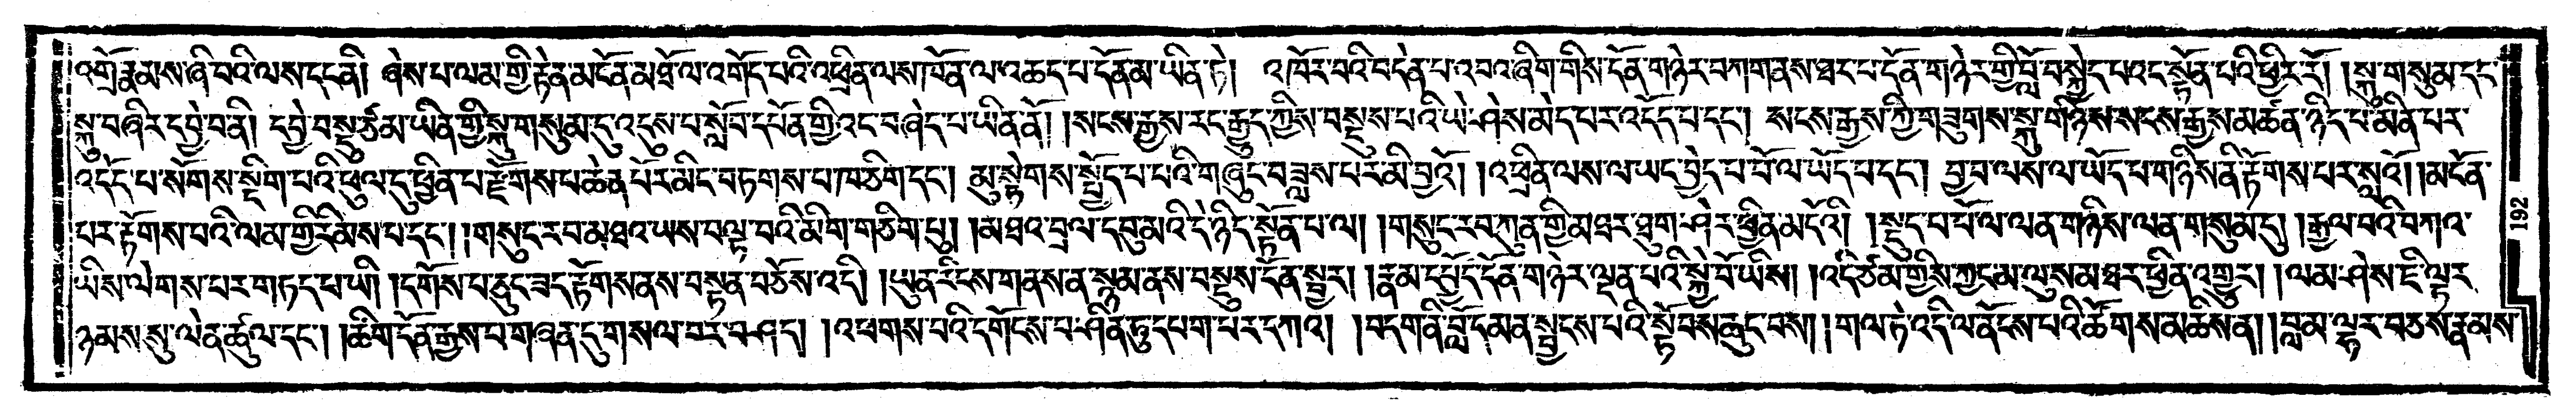འགྲོ་རྣམས་ཞི་བའི་ལས་དང་ནི། ཞེས་པ་ལམ་གྱི་རྟེན་མངོན་མཐོ་ལ་འགོད་པའི་འཕྲིན་ལས་ཁོ་ན་ལ་འཆད་པ་དོན་མ་ཡིན་ཏེ། འཁོར་བའི་བདེན་པ་འབའ་ཞིག་གིས་དོན་གཉེར་བཀག་ནས་ཐར་པ་དོན་གཉེར་གྱི་བློ་བསྐྱེད་པའང་སྟོན་པའི་ཕྱིར་རོ། །སྐུ་གསུམ་དང་
སྐུ་བཞིར་དབྱེ་བ་ནི། དབྱེ་བསྡུ་ཙམ་ཡིན་གྱི་སྐུ་གསུམ་དུ་འདུས་པ་སློབ་དཔོན་གྱིའང་བཞེད་པ་ཡིན་ནོ། །སངས་རྒྱས་རང་རྒྱུད་ཀྱིས་བསྡུས་པའི་ཡེ་ཤེས་མེད་པར་འདོད་པ་དང་། སངས་རྒྱས་ཀྱི་གཟུགས་སྐུ་གཉིས་སངས་རྒྱས་མཚན་ཉིད་པ་མིན་པར་
འདོད་པ་སོགས་སྡིག་པའི་ཕུལ་དུ་ཕྱིན་པ་རྫོགས་པ་ཆེན་པོར་མིང་བཏགས་པ་ཁ་ཅིག་དང་། མུ་སྟེགས་སྤྱོད་པ་པའི་གཞུང་བཟླས་པར་མི་བྱའོ། །འཕྲིན་ལས་ལ་ཡང་བྱེད་པ་པོ་ལ་ཡོད་པ་དང་། བྱ་བ་ལས་ལ་ཡོད་པ་གཉིས་ནི་རྟོགས་པར་སླའོ། །མངོན་
པར་རྟོགས་པའི་ལམ་གྱི་རིམས་པ་དང་། །གསུང་རབ་མཐའ་ཡས་བལྟ་བའི་མིག་གཅིག་པུ། །མཐའ་བྲལ་དབུ་མའི་དེ་ཉིད་སྟོན་པ་ལ། །གསུང་རབ་ཀུན་གྱི་མཐར་ཐུག་ཤེར་ཕྱིན་མདོའི། །སྡུད་པ་པོ་ལ་ལན་གཉིས་ལན་གསུམ་དུ། །རྒྱལ་བའི་བཀའ་
ཡིས་ལེགས་པར་གཏད་པ་ཡི། །དགོས་པ་ཅུང་ཟད་རྟོགས་ནས་བསྟན་བཅོས་འདི། །ཡུན་རིངས་གནས་ན་སྙམ་ནས་བསྡུས་དོན་སྦྱར། །རྣམ་དཔྱོད་དོན་གཉེར་ལྡན་པའི་སྐྱེ་བོ་ཡིས། །འདི་ཙམ་གྱིས་ཀྱང་མ་ལུས་མཐར་ཕྱིན་འགྱུར། །ལམ་ཤེས་ཇི་ལྟར་
ཉམས་སུ་ལེན་ཚུལ་དང་། །ཚིག་དོན་རྒྱས་པ་གཞན་དུ་གསལ་བར་བཤད། །འཕགས་པའི་དགོངས་པ་ཤིན་ཏུ་དཔག་པར་དཀའ། །བདག་ནི་བློ་དམན་སྦྱངས་པའི་སྟོབས་ཆུང་བས། །གལ་ཏེ་འདི་ལ་ནོངས་པའི་ཚོགས་མཆིས་ན། །བླ་མ་ལྷར་བཅས་རྣམས་